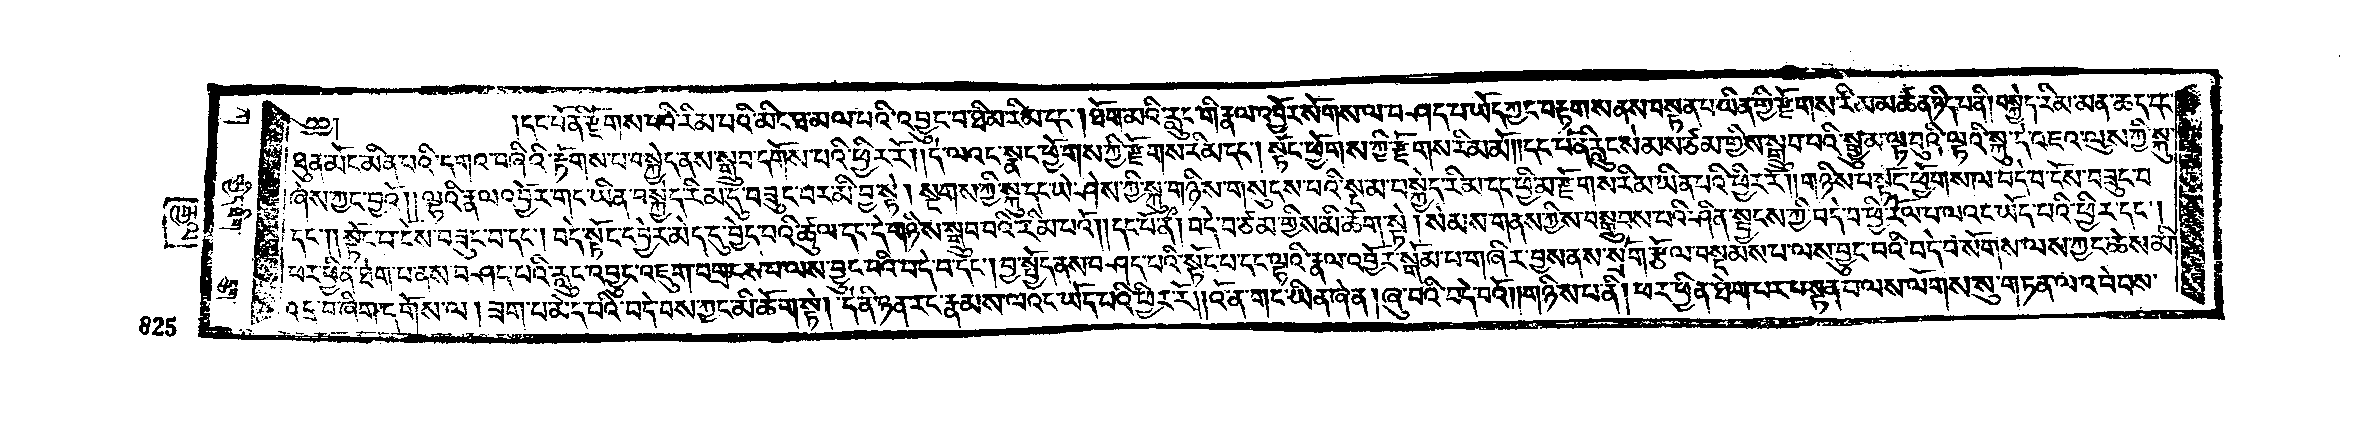༄༅། །དང་པོ་ནི་རྫོགས་པའི་རིམ་པའི་མིང་ཐ་མལ་པའི་འབྱུང་བ་ཐིམ་རིམ་དང་། ཐོག་མའི་རླུང་གི་རྣལ་འབྱོར་སོགས་ལ་བཤད་པ་ཡོད་ཀྱང་བརྟགས་ནས་བསྟན་པ་ཡིན་གྱི་རྫོགས་རིམ་མཚན་ཉིད་པ་ནི། བསྐྱེད་རིམ་མན་ཆད་དང་
ཐུན་མོང་མིན་པའི་དགའ་བཞིའི་རྟོགས་པ་བསྐྱེད་ནས་སྒྲུབ་དགོས་པའི་ཕྱིར་རོ། །དེ་ལའང་སྣང་ཕྱོགས་ཀྱི་རྫོགས་རིམ་དང་། སྟོང་ཕྱོགས་ཀྱི་རྫོགས་རིམ་མོ། །དང་པོ་ནི་རླུང་སེམས་ཙམ་གྱིས་སྒྲུབ་པའི་སྒྱུ་མ་ལྟ་བུའི་ལྟའི་སྐུ་དེ་འཇའ་ལུས་ཀྱི་སྐུ་
ཞེས་ཀྱང་བྱའོ། །ལྷའི་རྣལ་འབྱོར་གང་ཡིན་བསྐྱེད་རིམ་དུ་བཟུང་བར་མི་བྱ་སྟེ། སྔགས་ཀྱི་སྐུ་དང་ཡེ་ཤེས་ཀྱི་སྐུ་གཉིས་གསུངས་པའི་སྔ་མ་བསྐྱེད་རིམ་དང་ཕྱི་མ་རྫོགས་རིམ་ཡིན་པའི་ཕྱིར་རོ། །གཉིས་པ་སྟོང་ཕྱོགས་ལ་བདེ་བ་ངོས་བཟུང་བ་
དང་། །སྟོང་པ་ངོས་བཟུང་བ་དང་། བདེ་སྟོང་དབྱེར་མེད་དུ་བྱེད་པའི་ཚུལ་དང་དེ་གཉིས་སྒྲུབ་པའི་རིམ་པའོ། །དང་པོ་ནི། བདེ་བ་ཙམ་གྱིས་མི་ཆོག་སྟེ། སེམས་གནས་ཀྱི་ས་བསྒྲུབས་པའི་ཤིན་སྦྱངས་ཀྱི་བདེ་བ་ཕྱི་རོལ་པ་ལའང་ཡོད་པའི་ཕྱིར་དང་།
ཕར་ཕྱིན་ཐེག་པ་ནས་བཤད་པའི་རླུང་འབྱུང་འཇུག་བགྲངས་པ་ལས་བྱུང་བའི་བདེ་བ་དང་། བྱ་སྤྱོད་ནས་བཤད་པའི་སྟོང་པ་དང་ལྷའི་རྣལ་འབྱོར་སྒོམ་པ་གཞིར་བྱས་ནས་སྲོག་རྩོལ་བསྡམས་པ་ལས་བྱུང་བའི་བདེ་བ་སོགས་ལས་ཀྱང་ཆེས་མི་
འདྲ་བ་ཞིག་དགོས་ལ། ཟག་པ་མེད་པའི་བདེ་བས་ཀྱང་མི་ཆོག་སྟེ། དེ་ནི་ཉན་རང་རྣམས་ལའང་ཡོད་པའི་ཕྱིར་རོ། །འོ་ན་གང་ཡིན་ཞེ་ན། ཞུ་བའི་བདེ་བའོ། །གཉིས་པ་ནི། ཕར་ཕྱིན་ཐེག་པར་བསྟན་པ་ལས་ལོགས་སུ་གཏན་ལ་འབེབས་